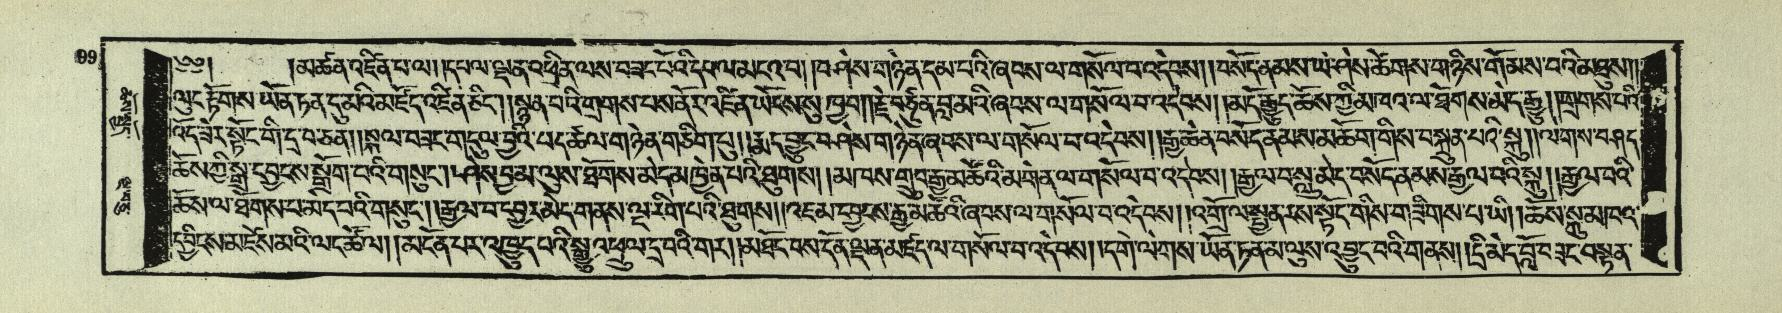༄༅། །མཚན་འཛིན་པ་ལ། །དཔལ་ལྡན་འཕྲིན་ལས་བཟང་པོའི་དཔལ་མངའ་བ། །བཤེས་གཉེན་དམ་པའི་ཞབས་ལ་གསོལ་བ་འདེབས། །བསོད་ནམས་ཡེ་ཤེས་ཚོགས་གཉིས་གོམས་པའི་མཐུས།།
ལུང་རྟོགས་ཡོན་ཏན་དུ་མའི་མཛོད་འཛིན་ཅིང་། །སྙན་པའི་གྲགས་པས་ནོར་འཛིན་ཡོངས་སུ་ཁྱབ། །རྗེ་བཙུན་བླ་མའི་ཞབས་ལ་གསོལ་བ་འདེབས། །མདོ་རྒྱུད་ཆོས་ཀྱི་མཁའ་ལ་ཐོགས་མེད་རྒྱུ། །གྲགས་པའི་
འོད་ཟེར་སྟོང་གི་དྲ་བ་ཅན། །སྐལ་བཟང་གདུལ་བྱའི་པད་ཚལ་གཉེན་གཅིག་པུ། །རྨད་བྱུང་བཤེས་གཉེན་ཞབས་ལ་གསོལ་བ་འདེབས། །རྒྱ་ཆེན་བསོད་ནམས་མཆོག་གིས་བསྐྲུན་པའི་སྐུ། །ལེགས་བཤད་
ཆོས་ཀྱི་སྒྲ་དབྱངས་སྒྲོག་པའི་གསུང་། །ཤེས་བྱ་མ་ལུས་ཐོགས་མེད་མཁྱེན་པའི་ཐུགས། །མཁས་གྲུབ་རྒྱ་མཚོའི་མགེན་ལ་གསོལ་བ་འདེབས། །རྒྱལ་བ་སླུ་མེད་བསོད་ནམས་རྒྱལ་བའི་སྐུ། །རྒྱལ་བའི་
ཆོས་ལ་ཐོགས་པ་མེད་པའི་གསུང་། །རྒྱལ་བ་དབྱར་མེད་གནས་ལྔ་རིག་པའི་ཐུགས། །འཇམ་དབྱངས་རྒྱ་མཚོའི་ཞབས་ལ་གསོལ་བ་འདེབས། །འགྲོ་ལ་སྤྱན་རས་སྟོང་གིས་གཟིགས་པ་ཡི། །ཆོས་སྐུ་མཁའ་
དབྱིངས་མཛེས་མའི་ལང་ཚོལ། །མངོན་པར་འཁྱུད་པའི་སྒྱུ་འཕྲུལ་དྲ་བའི་གར། །མཐོང་བས་དོན་ལྡན་མཛད་ལ་གསོལ་བ་འདེབས། །དགེ་ལེགས་ཡོན་ཏན་མ་ལུས་འབྱུང་བའི་གནས། །དྲི་མེད་བློ་བཟང་བསྟན་